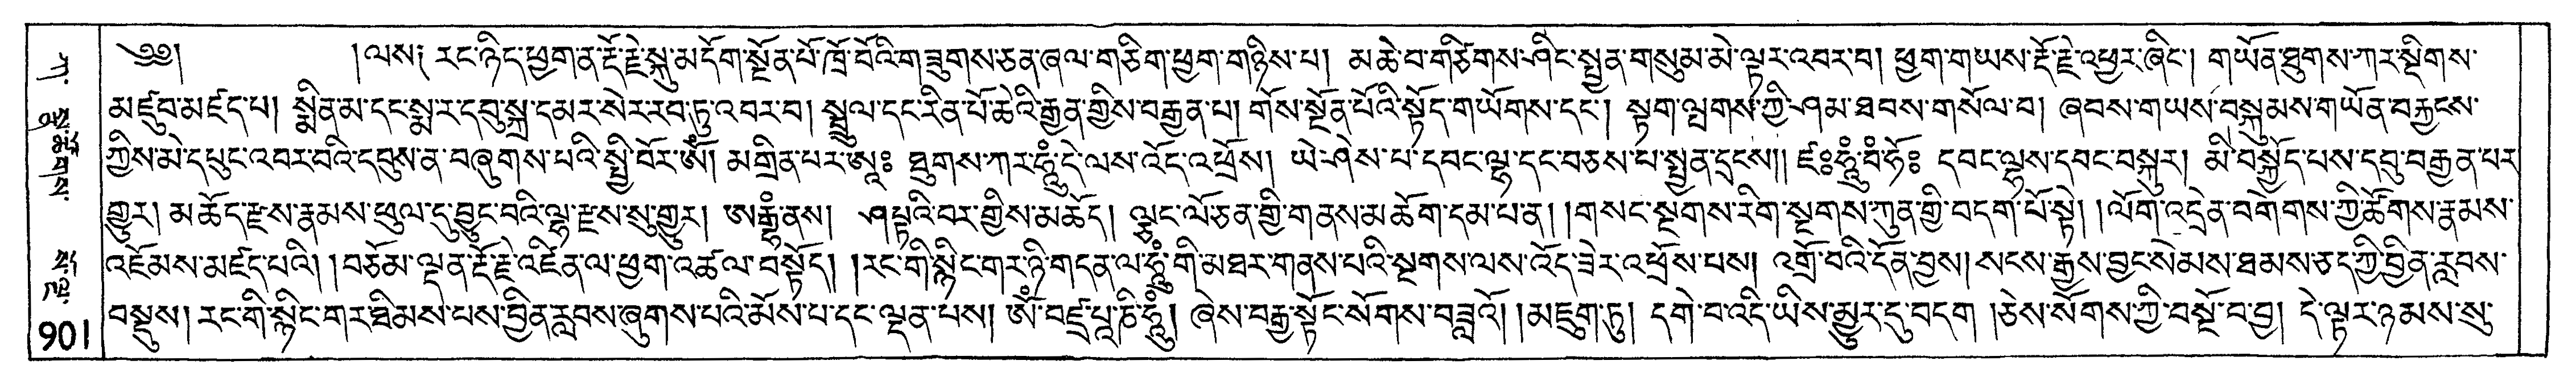༄༅། །ལས༑ རང་ཉིད་ཕྱག་ན་རྡོ་རྗེ་སྐུ་མདོག་སྔོན་པོ་ཁྲོ་བོའི་གཟུགས་ཅན་ཞལ་གཅིག་ཕྱག་གཉིས་པ། མཆེ་བ་གཙིགས་ཤིང་སྤྱན་གསུམ་མེ་ལྟར་འབར་བ། ཕྱག་གཡས་རྡོ་རྗེ་འཕྱར་ཞིང་། གཡོན་ཐུགས་ཀར་སྡིགས་
མཛུབ་མཛད་པ། སྨིན་མ་དང་སྨ་ར་དབུ་སྐྲ་དམར་སེར་རབ་ཏུ་འབར་བ། སྦྲུལ་དང་རིན་པོ་ཆེའི་རྒྱན་གྱིས་བརྒྱན་པ། གོས་སྔོན་པོའི་སྟོད་གཡོགས་དང་། སྟག་ལྤགས་ཀྱི་ཤམ་ཐབས་གསོལ་བ། ཞབས་གཡས་བསྐུམས་གཡོན་བརྐྱངས་
ཀྱིས་མེ་དཔུང་འབར་བའི་དབུས་ན་བཞུགས་པའི་སྤྱི་བོར་ཨོཾ། མགྲིན་པར་ཨཱཿ ཐུགས་ཀར་ཧཱུཾ་དེ་ལས་འོད་འཕྲོས། ཡེ་ཤེས་པ་དབང་ལྷ་དང་བཅས་པ་སྤྱན་དྲངས། །ཛཿ ཧཱུཾ་བཾ་ཧོཿ དབང་ལྷས་དབང་བསྐུར། མི་བསྐྱོད་པས་དབུ་བརྒྱན་པར་
གྱུར། མཆོད་རྫས་རྣམས་ཕུལ་དུ་བྱུང་བའི་ལྷ་རྫས་སུ་གྱུར། ཨརྒྷཾ་ནས། ཤཔྟའི་བར་གྱིས་མཆོད། ལྕང་ལོ་ཅན་གྱི་གནས་མཆོག་དམ་པ་ན། །གསང་སྔགས་རིག་སྔགས་ཀུན་གྱི་བདག་པོ་སྟེ། །ལོག་འདྲེན་བགེགས་ཀྱི་ཚོགས་རྣམས་
འཇོམས་མཛད་པའི། །བཅོམ་ལྡན་རྡོ་རྗེ་འཛིན་ལ་ཕྱག་འཚལ་བསྟོད། །རང་གི་སྙིང་གར་ཉི་གདན་ལ་ཧཱུཾ་གྱི་མཐར་གནས་པའི་སྔགས་ལས་འོད་ཟེར་འཕྲོས་པས། འགྲོ་བའི་དོན་བྱས། སངས་རྒྱས་བྱང་སེམས་ཐམས་ཅད་ཀྱི་བྱིན་རླབས་
བསྡུས། རང་གི་སྙིང་གར་ཐིམས་པས་བྱིན་རླབས་ཞུགས་པའི་མོས་པ་དང་ལྡན་པས། ཨོཾ་བཛྲ་པཱ་ཎི་ཧཱུཾ། ཞེས་བརྒྱ་སྟོང་སོགས་བཟླའོ། །མཇུག་ཏུ། དགེ་བ་འདི་ཡིས་མྱུར་དུ་བདག །ཅེས་སོགས་ཀྱི་བསྔོ་བ་བྱ། དེ་ལྟར་ཉམས་སུ་